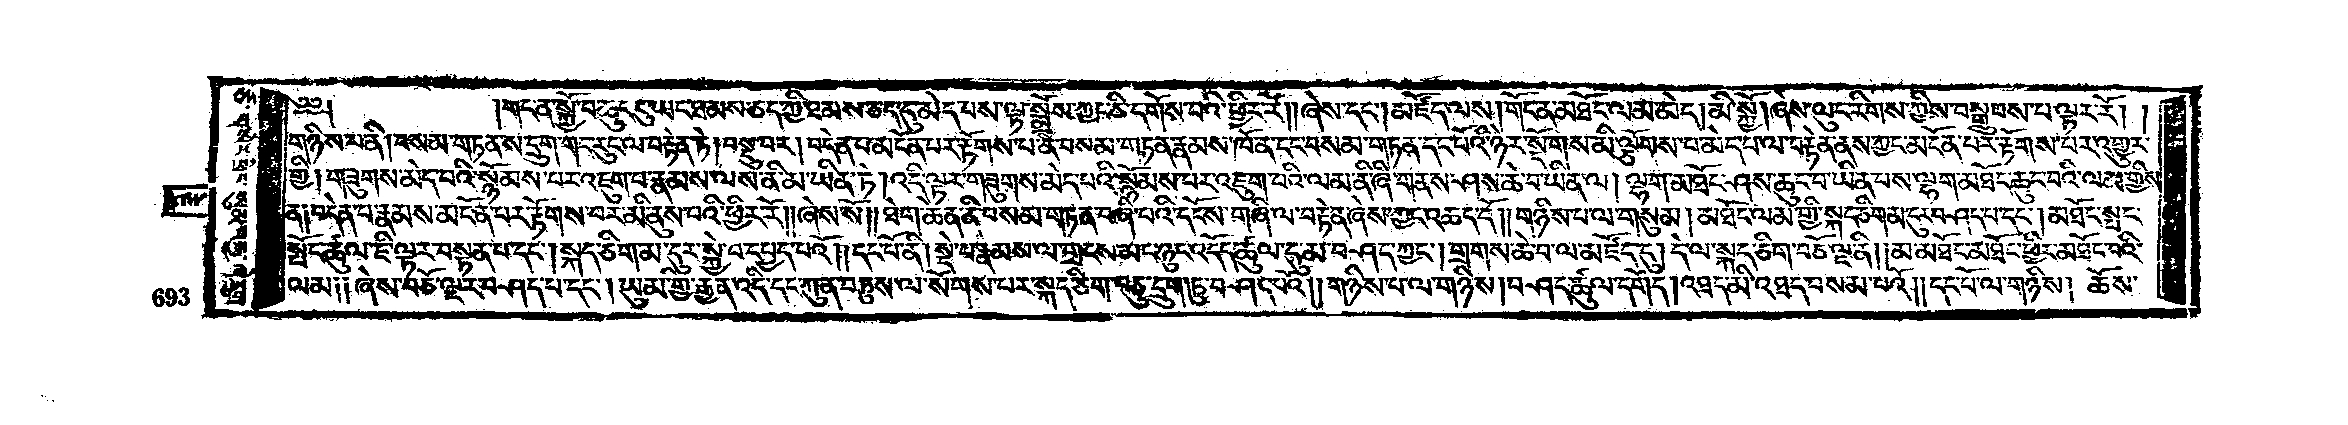༄༅། །གང་ན་སྐྱོ་བ་ཆུང་ངུ་ཡང་ཐམས་ཅད་ཀྱི་ཐམས་ཅད་དུ་མེད་པས་ལྟ་སྨྲོས་ཀྱང་ཅི་དགོས་པའི་ཕྱིར་རོ། །ཞེས་དང་། མཛོད་ལས། གོང་ན་མཐོང་ལམ་མེད། མི་སྐྱོ། ཞེས་ལུང་རིགས་ཀྱིས་བསྒྲུབས་པ་ལྟར་རོ། །
གཉིས་པ་ནི། བསམ་གཏན་ས་དྲུག་གང་རུང་ལ་བརྟེན་ཏེ། བསྡུ་བར། བདེན་པ་མངོན་པར་རྟོགས་པ་ནི་བསམ་གཏན་རྣམས་ཁོ་ན་དང་བསམ་གཏན་དང་པོའི་ཉེར་སྡོགས་མི་ལྕོགས་པ་མེད་པ་ལ་བརྟེན་ནས་ཀྱང་མངོན་པར་རྟོགས་པར་འགྱུར་
གྱི། གཟུགས་མེད་པའི་སྙོམས་པར་འཇུག་པ་རྣམས་ལས་ནི་མ་ཡིན་ཏེ། འདི་ལྟར་གཟུགས་མེད་པའི་སྙོམས་པར་འཇུག་པའི་ལམ་ནི་ཞི་གནས་ཤས་ཆེ་བ་ཡིན་ལ། ལྷག་མཐོང་ཤས་ཆུང་བ་ཡིན་པས་ལྷག་མཐོང་ཆུང་བའི་ལམ་གྱིས་
ན། བདེན་པ་རྣམས་མངོན་པར་རྟོགས་པར་མི་ནུས་པའི་ཕྱིར་རོ། །ཞེས་སོ། །ཐེག་ཆེན་ནི་བསམ་གཏན་བཞི་པའི་དངོས་གཞི་ལ་བརྟེན་ཞེས་ཀྱང་འཆད་དོ། །གཉིས་པ་ལ་གསུམ། མཐོང་ལམ་གྱི་སྐད་ཅིག་མ་དུར་བཤད་པ་དང་། མཐོང་སྤང་
སྤོང་ཚུལ་ཇི་ལྟར་བསྟན་པ་དང་། སྐད་ཅིག་མ་དུར་སྐྱེ་བ་དཔྱད་པའོ། །དང་པོ་ནི། སྡེ་པ་རྣམས་ལ་གྲངས་མང་ཉུང་འདོད་ཚུལ་དུ་མ་བཤད་ཀྱང་། གྲགས་ཆེ་བ་ལ་མཛོད་དུ། དེ་ལ་སྐད་ཅིག་བཅོ་ལྔ་ནི། །མ་མཐོང་མཐོང་ཕྱིར་མཐོང་བའི་
ལམ། །ཞེས་བཅོ་ལྔར་བཤད་པ་དང་། ཡུམ་གྱི་རྒྱན་འདི་དང་ཀུན་བཏུས་ལ་སོགས་པར་སྐད་ཅིག་བཅུ་དྲུག་ཏུ་བཤད་པའོ། །གཉིས་པ་ལ་གཉིས། བཤད་ཚུལ་དགོད། འཐད་མི་འཐད་བསམ་པའོ། །དང་པོ་ལ་གཉིས། ཆོས་